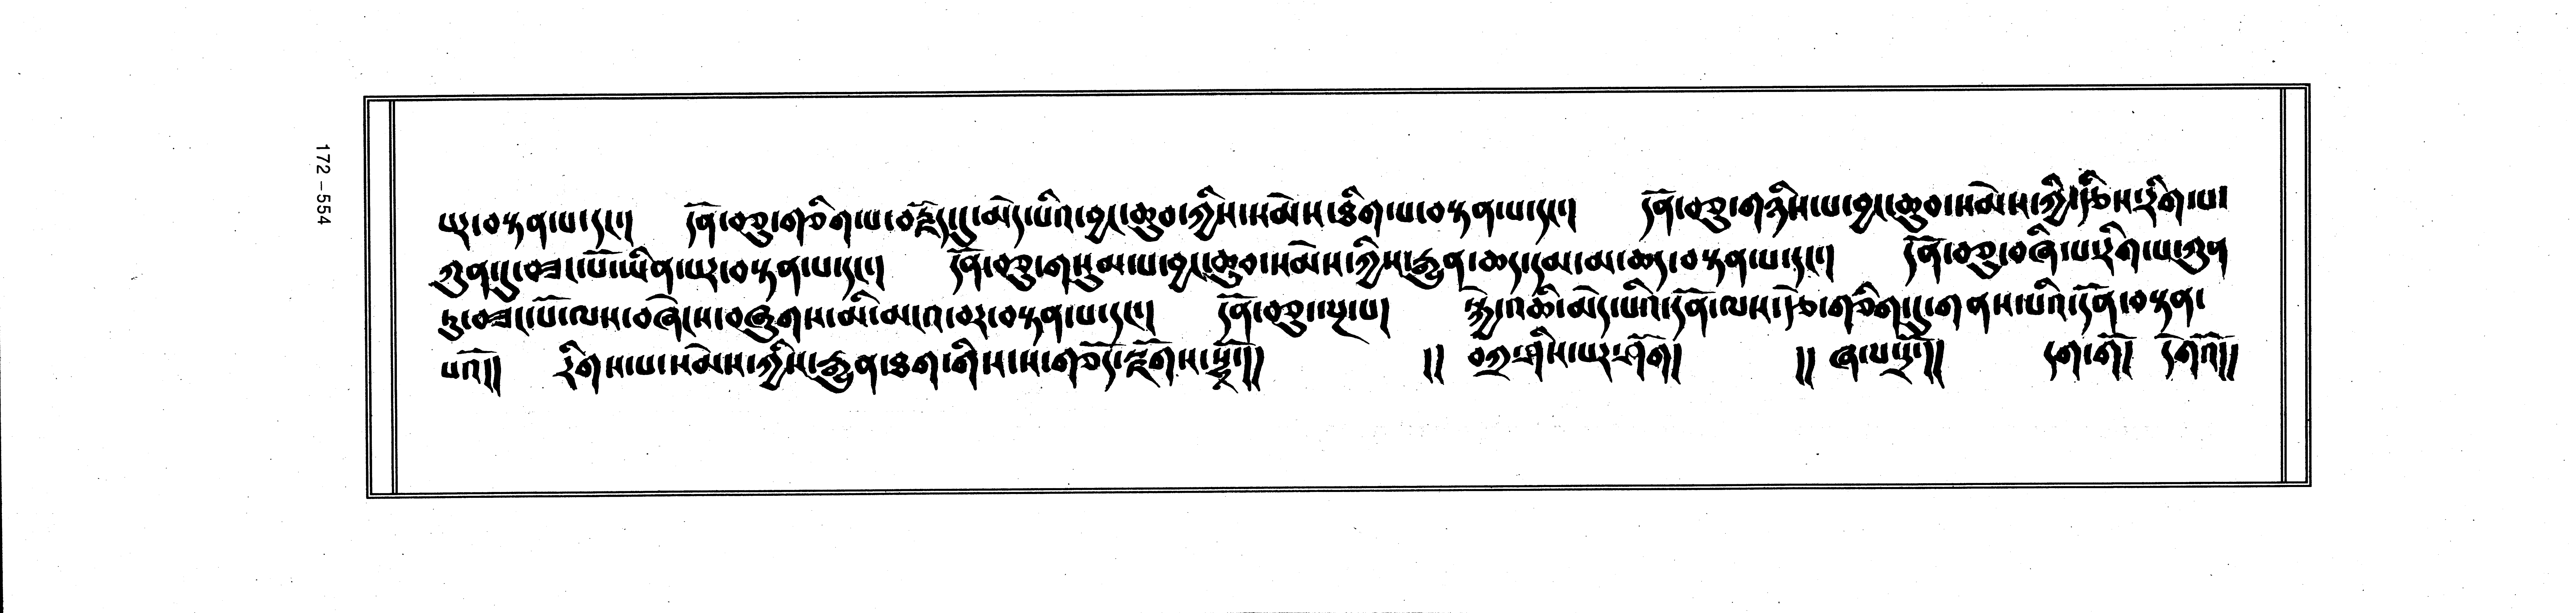པར་བསྟན་པ་དང་། དོན་བཅུ་གཅིག་པ་བརྗོད་དུ་མེད་པའི་བྱང་ཆུབ་ཀྱིས་སེམས་ཐེག་པ་བསྟན་པ་དང་། དོན་བཅུ་གཉིས་པ་བྱང་ཆུབ་སེམས་ཀྱི་རྩིས་རིག་པ་
ཀུན་ཏུ་བཟང་པོ་ཡིན་པར་བསྟན་པ་དང་། དོན་བཅུ་གསུམ་པ་བྱང་ཆུབ་སེམས་ཀྱིས་རྒྱུན་ཆད་དམ་མ་ཆད་བསྟན་པ་དང་། དོན་བཅུ་བཞི་པ་རིག་པ་ཀུན་
ཏུ་བཟང་པོ་ལས་བཞེངས་བཞུགས་མི་མངའ་བར་བསྟན་པ་དང་། དོན་བཅུ་ལྔ་པ། སྐྱེ་འཆི་མེད་པའི་དོན་ལས་རྩེ་གཅིག་དུ་གནས་པའི་དོན་བསྟན་
པའོ། རིག་པས་སེམས་ཀྱིས་རྒྱུན་ཐག་གིས་གཅོད་རྫོགས་སྷཱོ། བཀྲ་ཤིས་པར་ཤོག ཞལ་དྲོ། དག་གོ། དགེའོ།